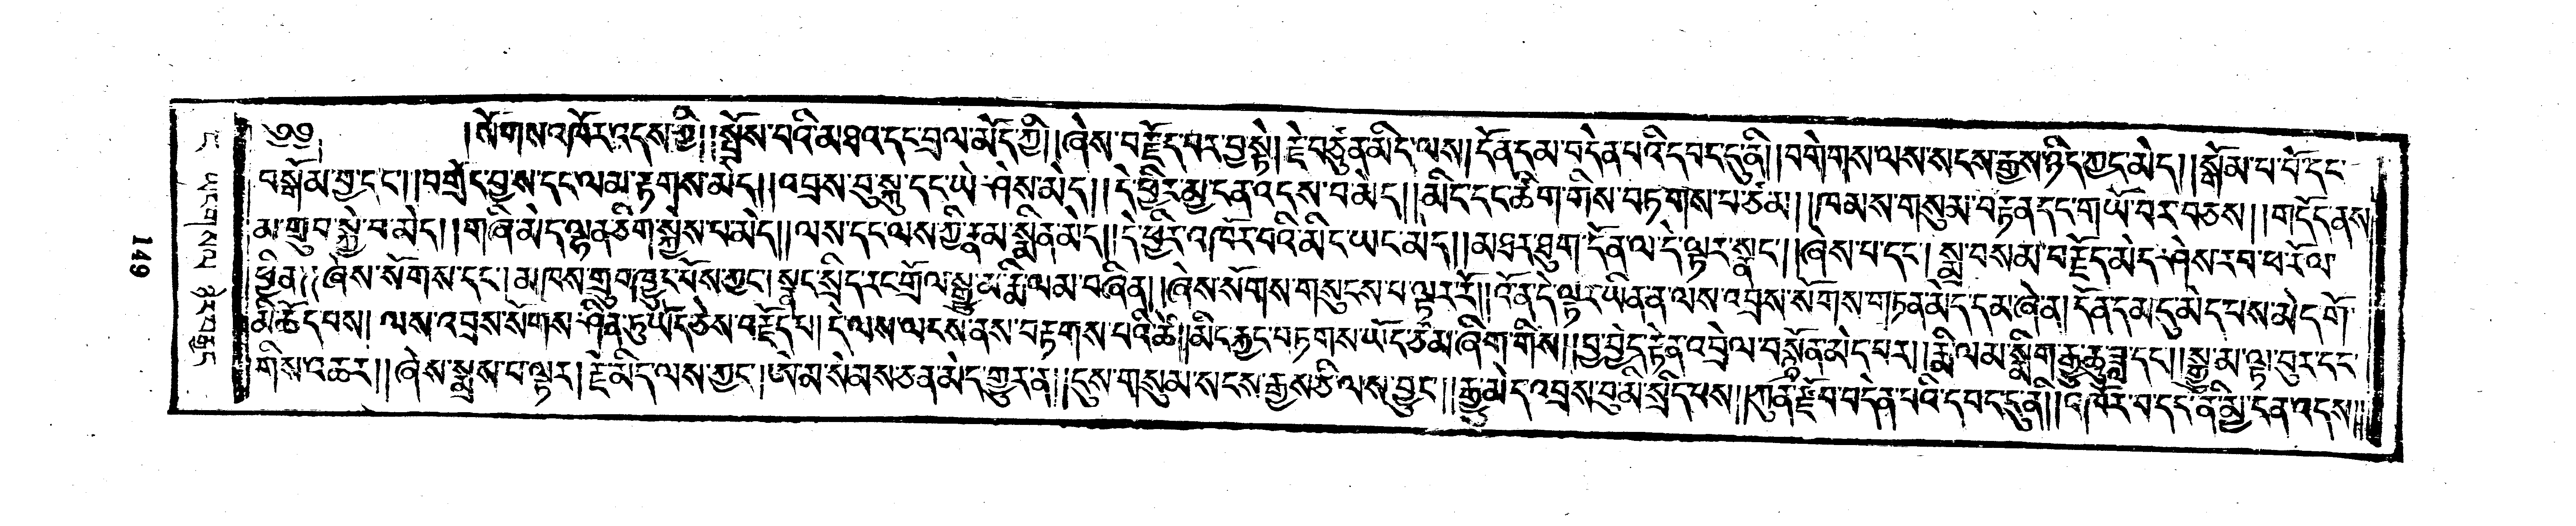༄༅། །སོགས་འཁོར་འདས་ཀྱི། །སྤྲོས་པའི་མཐའ་དང་བྲལ་མོད་ཀྱི། །ཞེས་བརྗོད་པར་བྱ་སྟེ། རྗེ་བཙུན་མིད་ལས། དོན་དམ་བདེན་པའི་དབང་དུ་ནི། །བགེགས་ལས་སངས་རྒྱས་ཉིད་ཀྱང་མེད། །སྒོམ་པ་པོ་དང་
བསྒོམ་བྱ་དང་། །བགྲོད་བྱ་ས་དང་ལམ་རྟགས་མེད། །འབྲས་བུ་སྐུ་དང་ཡེ་ཤེས་མེད། །དེ་ཕྱིར་མྱ་ངན་འདས་པ་མེད། །མིང་དང་ཚིག་གིས་བཏགས་པ་ཙམ། །ཁམས་གསུམ་བརྟེན་དང་གཡོ་བར་བཅས། །གདོད་ནས་
མ་གྲུབ་སྐྱེ་བ་མེད། །གཞི་མེད་ལྷན་ཅིག་སྐྱེས་པ་མེད། །ལས་དང་ལས་ཀྱི་རྣམ་སྨིན་མེད། །དེ་ཕྱིར་འཁོར་བའི་མིང་ཡང་མེད། །མཐར་ཐུག་དོན་ལ་དེ་ལྟར་སྣང་། །ཞེས་པ་དང་། སྨྲ་བསམ་བརྗོད་མེད་ཤེས་རབ་ཕ་རོལ་
ཕྱིན། །ཞེས་སོགས་དང་། མཁས་གྲུབ་ཁྱུང་པོས་ཀྱང་། སྣང་སྲིད་རང་གྲོལ་སྒྱུ་མ་རྨི་ལམ་བཞིན། །ཞེས་སོགས་གསུངས་པ་ལྟར་རོ། །འོ་ན་དེ་ལྟར་ཡིན་ན་ལས་འབྲས་སོགས་གཏན་མེད་དམ་ཞེ་ན། དོན་དམ་དུ་མེད་པས་མེད་གོ་
མི་ཆོད་པས། ལས་འབྲས་སོགས་ཤིན་ཏུ་ཡོད་ཅེས་བརྗོད་པ། དེ་ལས་ལངས་ནས་བརྟགས་པའི་ཚེ། །མིང་རྐྱང་བཏགས་ཡོད་ཙམ་ཞིག་གིས། །བྱ་བྱེད་རྟེན་འབྲེལ་བསྙོན་མེད་པར། །རྨི་ལམ་སྨིག་རྒྱུ་ཆུ་ཟླ་དང་། །སྒྱུ་མ་ལྟ་བུར་ངང་
གིས་འཆར། །ཞེས་སྨྲས་པ་ལྟར། རྗེ་མིད་ལས་ཀྱང་། ཨེ་མ་སེམས་ཅན་མེད་གྱུར་ན། །དུས་གསུམ་སངས་རྒྱས་ཅི་ལས་བྱུང་། །རྒྱུ་མེད་འབྲས་བུ་མི་སྲིད་པས། །ཀུན་རྫོབ་བདེན་པའི་དབང་དུ་ནི། །འཁོར་བ་དང་ནི་མྱ་ངན་འདས་